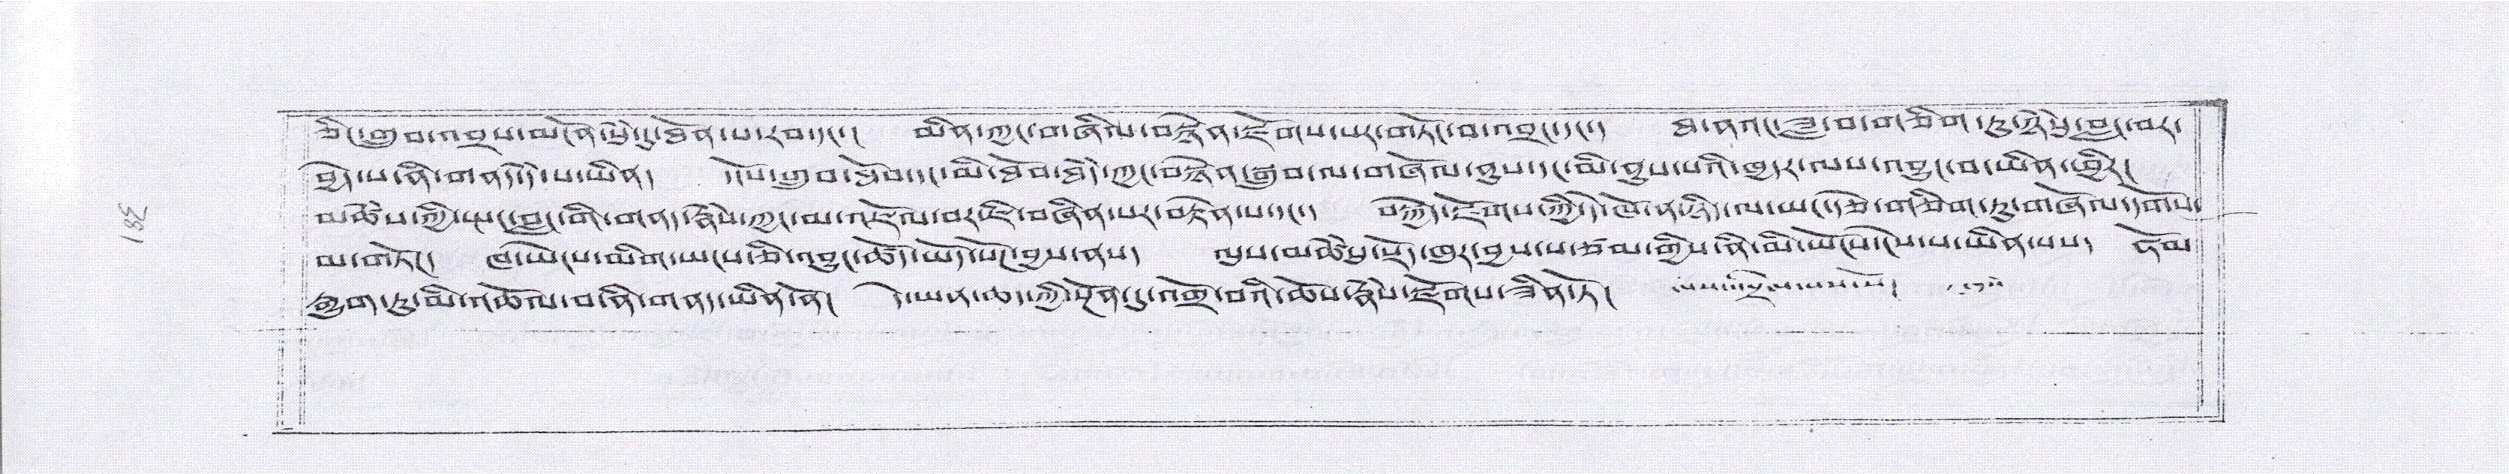ཅིང་གྲུབ་འབྲས་མངོན་སུམ་དུ་ཐོན་པ་རབ་དང་། མིན་ཀྱང་གཞིལ་བསྙེན་རྫོགས་པར་གཏོང་བ་འབྲིང་དང་། ཐ་ནའང་ཟླ་བ་གཅིག་ཏུ་ཉམས་སུ་བླང་བར་
བྱེད་པ་ནི་གནད་དམ་པ་ཡིན། དངོས་གྲུབ་ཐོབ་དང་མི་ཐོབ་ཐམས་ཅད་ཀྱང་བསྙེན་སྒྲུབ་ལ་གཞོལ་ནུས་དང་མི་ནུས་པའི་ཁྱད་པར་ལས་འབྱུང་བ་ཡིན་ཕྱིར། 
མཚམས་ཀྱི་སྤང་བླང་གི་གནད་རྣམས་ཀྱང་མ་འཛོལ་བར་ཇི་བཞིན་པར་བརྟེན་པ་དང་བསྐྱེད་རྫོགས་ཀྱི་དེ་ཁོ་ན་ཉིད་ལའང་རྩེ་གཅིག་ཏུ་གཞོལ་དགོས་
པ་མ་གཏོགས། ཁ་ཡེངས་མིག་ཡེངས་ཅི་འབྱུང་ཚོད་ཡོད་སོགས་བྱས་ནས། ལུས་མཚམས་སུ་སྡོད་ཁུལ་བྱས་པ་ཙམ་གྱིས་ནི་མི་ཡོང་ངེས་པ་ཡིན་པས། ཧོལ་
རྒྱུག་ཏུ་མི་འཆོལ་བ་ནི་གནད་དམ་པ་ཡིན་ནོ། དེ་ཡན་ཆད་ཀྱིས་སྔོན་དུ་འགྲོ་བའི་ཆོས་རྣམས་རྫོགས་ཟིན་ཏོ། །ལས་འབྲེལ་པས་སོ། །ཞུས་སོ། །